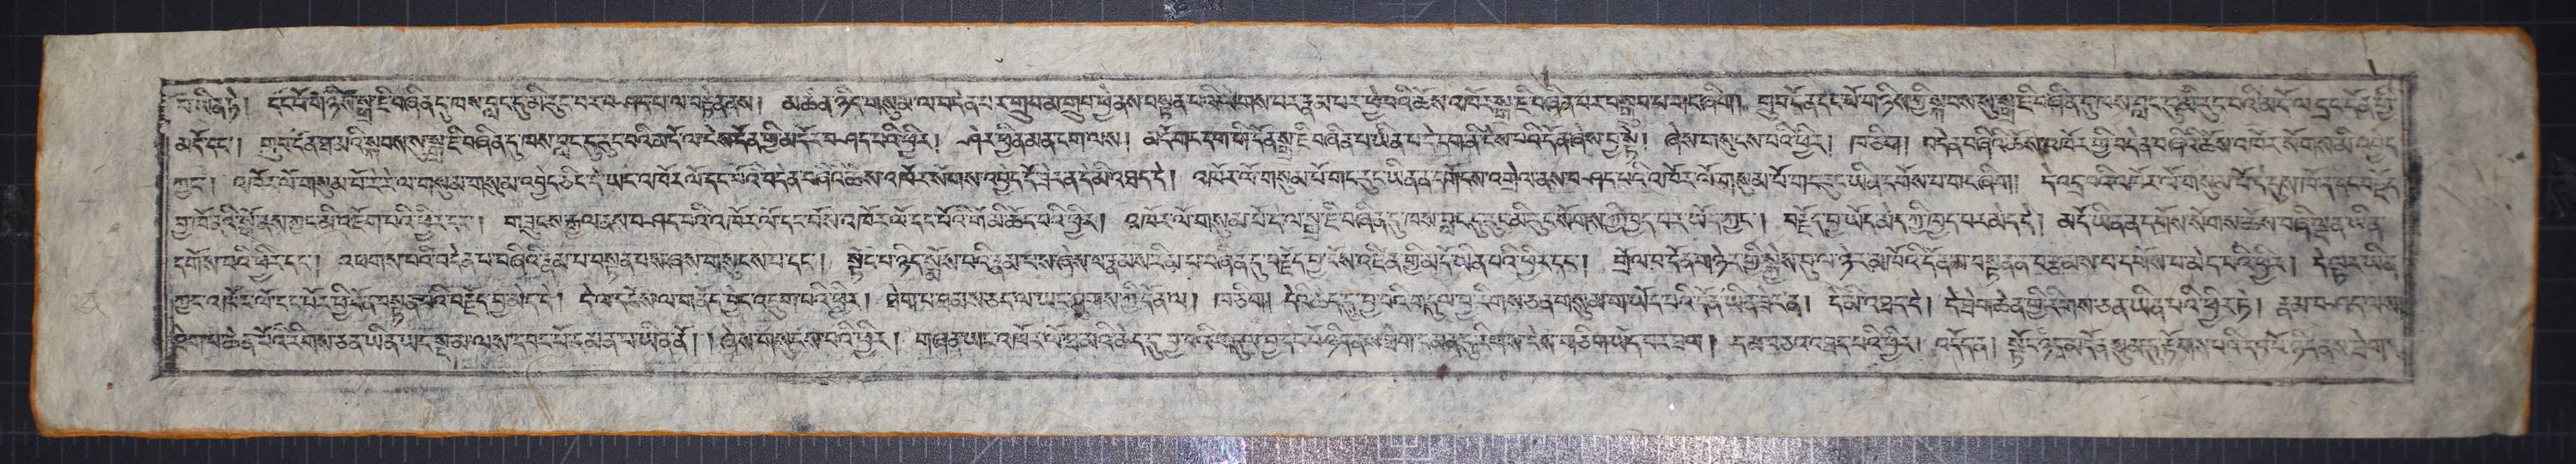པ་ཡིན་ཏེ། དང་པོ་གཉིས་སྒྲ་ཇི་བཞིན་དུ་ཁས་བླང་དུ་མི་རུང་བར་བཤད་པ་ལ་བརྟེན་ནས། མཚན་ཉིད་གསུམ་ལ་བདེན་པར་གྲུབ་མ་གྲུབ་བྱེ་ནས་བསྟན་པའི་ལེགས་པར་རྣམ་པར་ཕྱེ་བའི་ཆོས་འཁོར་སྒྲ་ཇི་བཞིན་པར་བསྒྲུབ་པ་གང་ཞིག །གྲུབ་དོན་དང་པོ་གཉིས་ཀྱི་སྐབས་སུ་སྒྲ་ཇི་བཞིན་དུ་ཁས་བླང་དུ་མི་རུང་བའི་མདོ་ལ་དྲང་དོན་གྱི་
མདོ་དང་། གྲུབ་དོན་ཐ་མའི་སྐབས་སུ་སྒྲ་ཇི་བཞིན་དུ་ཁས་བླང་དུ་རུང་བའི་མདོ་ལ་ངེས་དོན་གྱི་མདོར་བཤད་པའི་ཕྱིར། ཤེར་ཕྱིན་མན་ངག་ལས། མདོ་གང་དག་གི་དོན་སྒྲ་ཇི་བཞིན་པ་ཡིན་པ་དེ་དག་ནི་ངེས་པའི་དོན་ཞེས་བྱ་སྟེ། ཞེས་གསུངས་པའི་ཕྱིར། ཁ་ཅིག །བདེན་བཞིའི་ཆོས་འཁོར་གྱི་བདེན་བཞིའི་ཆོས་འཁོར་སོགས་མི་འབྱེད་
ཀྱང་། འཁོར་ལོ་གསུམ་པོ་རེ་རེ་ལ་གསུམ་གསུམ་འབྱེད་ཅིང་དེ་ཡང་འཁོར་ལོ་དང་པོའི་བདེན་བཞིའི་ཆོས་འཁོར་སོགས་འབྱེད་དོ་ཟེར་ན་དེ་མི་འཐད་དེ། འཁོར་ལོ་གསུམ་པོ་གང་རུང་ཡིན་ན་དགོངས་འགྲེལ་ནས་བཤད་པའི་འཁོར་ལོ་གསུམ་པོ་གང་རུང་ཡིན་དགོས་པ་གང་ཞིག །དེ་འདྲ་བའི་འཁོར་ལོ་གསུམ་པོ་དེ་དུས་ཁོ་ན་དང་བརྗོད་
བྱ་ཁོ་ནའི་སྒོ་ནས་ཀྱང་མི་འཇོག་པའི་ཕྱིར་དང་། གཟུངས་རྒྱལ་ནས་བཤད་པའི་འཁོར་ལོ་དང་པོས་འཁོར་ལོ་དང་པོའི་གོ་མི་ཆོད་པའི་ཕྱིར། འཁོར་ལོ་གསུམ་པོ་དེ་ལ་སྒྲ་ཇི་བཞིན་དུ་ཁས་བླང་དུ་རུང་མི་རུང་སོགས་ཀྱི་ཁྱད་པར་ཡོད་ཀྱང་། བརྗོད་བྱ་ཡོད་མེད་ཀྱི་ཁྱད་པར་མེད་དེ། མདོ་ཡིན་ན་དགོས་སོགས་ཆོས་བཞི་ལྡན་ཡིན་
དགོས་པའི་ཕྱིར་དང་། འཕགས་པའི་བདེན་པ་བཞིའི་རྣམ་པ་བསྟན་པས་ཞེས་གསུངས་པ་དང་། སྟོང་པ་ཉིད་སྨོས་པའི་རྣམ་པས་ཞེས་པ་རྣམས་རིམ་པ་བཞིན་དུ་བརྗོད་བྱ་ངོས་འཛིན་གྱི་མདོ་ཡིན་པའི་ཕྱིར་དང་། གྲོལ་བ་དོན་གཉེར་གྱི་སྐྱེས་བུ་ལ་ཉེར་མཁོའི་དོན་མ་བསྟན་ན་བརྩམས་པ་དགོས་པ་མེད་པའི་ཕྱིར། དེ་ལྟར་ཡིན་
ཀྱང་འཁོར་ལོ་དང་པོར་ཕྱི་དོན་བསྟན་པའི་བརྗོད་བྱ་མེད་དེ། དེ་ལ་དངོས་ལ་གནོད་བྱེད་འཇུག་པའི་ཕྱིར། ཐེག་པ་ཐམས་ཅད་ལ་ཡང་ཞུགས་ཀྱི་དོན་ལ། ཁ་ཅིག །དེའི་ཆེད་དུ་བྱ་བའི་གདུལ་བྱ་རིགས་ཅན་གསུམ་ག་ཡོད་པའི་དོན་ཡིན་ཟེར་ན། དེ་མི་འཐད་དེ། དེ་ཐེག་ཆེན་གྱི་རིགས་ཅན་ཡིན་པའི་ཕྱིར་ཏེ། རྣམ་བཤད་ལས།
ཐེག་པ་ཆེན་པོའི་རིགས་ཅན་ཡིན་ཡང་སྔ་མ་ལས་དབང་པོ་དམན་པ་ཡིན་ནོ། །ཞེས་གསུངས་པའི་ཕྱིར། གཞན་ཡང་འཁོར་ལོ་ཐ་མའི་ཆེད་དུ་བྱ་བའི་གདུལ་བྱ་དང་པོ་ཉིད་ནས་ཐེག་དམན་དུ་རིགས་ངེས་གཅིག་ཡོད་པར་ཐལ། དམ་བཅའ་འཐད་པའི་ཕྱིར། འདོད་ན། སྟོང་ཉིད་མངོན་སུམ་དུ་རྟོགས་པའི་དང་པོ་ཉིད་ནས་ཐེག་